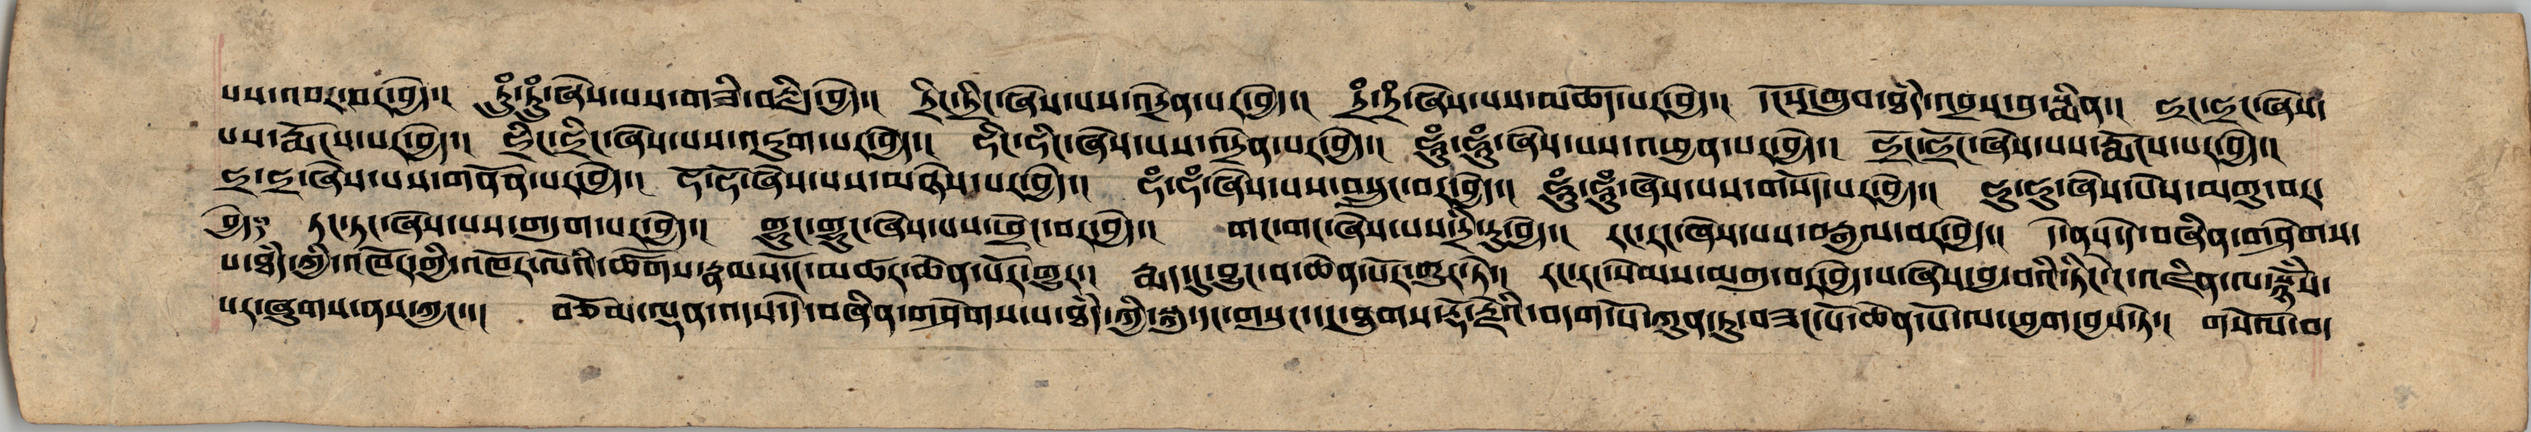སས་འབར་བར་བྱཻད་། ཏྲུཾ་ཏྲུཾ་ཞེས་པས་གཟི་བརྗིད་བྱེད་། ཏྲིང་ཏྲིང་ཞེས་པས་འདྲེན་པར་བྱེད་། ཏྲཾ་ཏྲཾ་ཞེས་པས་མཆོད་པར་བྱེད་། དངོས་གྲུབ་ཐཾད་འབྲས་བུ་སྨིན་། ཧྲང་ཧྲང་ཞེས་
པས་རྨོངས་པར་བྱེད་། ཧྲིང་ཧྲིང་ཞེས་པས་འཇུག་པར་བྱེད་། ཧིང་ཧིང་ཞེས་པས་འདྲེན་པར་བྱེད་། ཧཱུཾ་ཧཱུཾ་ཞེས་པས་འཕྱན་པར་བྱེད་། ཧྲོང་ཧྲོང་ཞེས་པས་རྨོངས་པར་བྱེད་།
ཧྲ་ཧྲ་ཞེས་པས་གནོན་པར་བྱེད་། ཧོ་ཧོ་ཞེས་པས་མཉེས་པར་བྱེད་། ཧཾ་ཧཾ་ཞེས་པས་བསྲུང་བར་བྱེད་། ཧཱུཾ་ཧཱུཾ་ཞེས་པས་གསོད་པར་བྱེད་། ཧུ་ཧུ་ཞེས་པེས་མགུ་བར་
བྱེད༑ ཏང་ཏང་ཞེས་པས་གདུག་པར་བྱེད་། གྷུང་གྷུང་ཞེས་པས་ཕྲེང་བར་བྱེད་། གང་གང་ཞེས་པས་དྲི་རུ་བྱེད་། རང་རང་ཞེས་པས་བརྒྱལ་བར་བྱེད་། དེ་ནས་དེ་བཞིན་གཤེགས་
པ་ཐཾད་ཀྱི་འཁོར་གྱི་འཁོར་ལོའི་ཚོགས་རྣམས་ངོ་མཚར་ཆེན་པོར་གྱུར་། རྨད་དུ་བྱུང་བ་ཆེན་པོར་གྱུར་ཏེ་། རང་རང་སེམས་མགུ་བར་བྱེད་པ་ཞེས་བྱ་བའི་ཏིང་ངེ་འཛིན་ལ་སྙོཾས་
པར་ཞུགས་ནས་ཀྱང་་། བཅོམ་ལྡན་འདས་དེ་བཞིན་གཤེགས་པ་ཐཾད་ཀྱི་སྐུ་དང་གསུང་དང་ཐུགས་རྡོ་རྗེའི་བདག་པོ་ཀུན་ཏུ་བཟང་པོ་ཆེན་པོ་ལ་ཕྱག་བྱས་ཏེ་། གསོལ་བ་